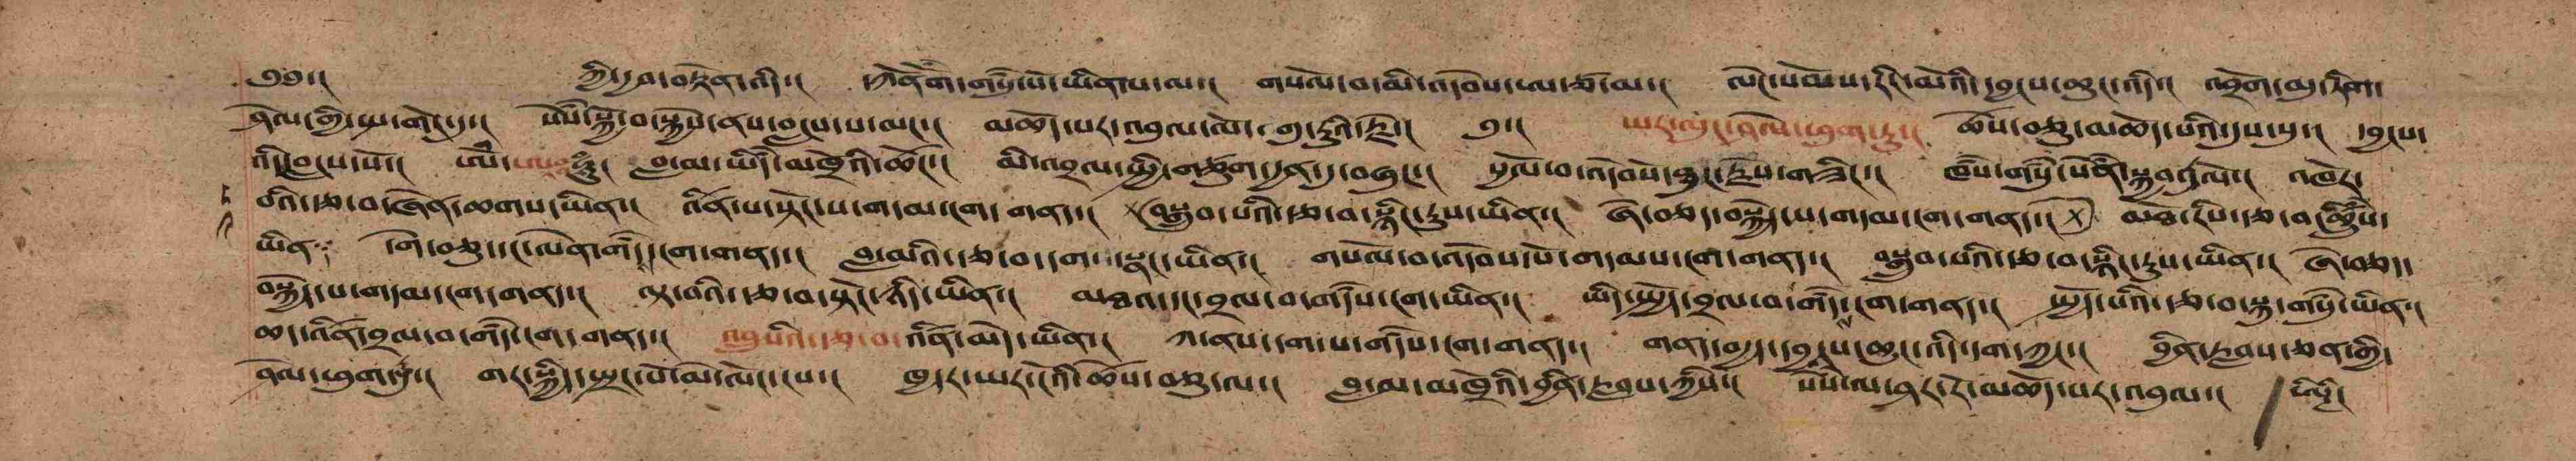༄༅་། ཀྱི་རྒྱབ་བརྟེན་འདི། དཀོན་མཆོག་གསུམ་པོ་ཡིན་པ་ལ། གསོལ་བ་མི་འདེབས་ཨ་ཙ་མ། ལེགས་སོམས་རིང་མོའི་དབྱངས་ཆུང་འདི། འབྲོག་མུ་ཏིག་
ཤེལ་གྱི་སྤ་གོང་དུ། སེམས་སྐྱོ་བ་སྐྱེས་ནས་བླངས་པ་ལགས། མཆོད་པར་འབུལ་ལོ་གུ་རུའི་རྗེ། ༄་། ཡར་ལུང་ཤེལ་ཕུག་ཏུ། ཚེས་བཅུ་མཆོད་པའི་དུས་སུ། དབྱངས་
འདི་བླངས་སོ། ཨོཾ་ཨཿཧཱུཾ། བླ་མ་ཡིད་དམ་མཁའ་འགྲོའི་ཚོགས། མི་འབྲལ་སྤྱི་གཙུག་རྒྱན་དུ་བཞུགས། གསོལ་བ་འདེབས་སོ་ཐུགས་རྗེས་གཟིགས། ཁམས་གསུམ་སེམས་ཅན་སྐྱབ་དུ་གསོལ། འཁོར་
བའི་རྩ་བ་ཞེན་ཆགས་ཡིན། འཛིན་པ་སྟོང་པ་གདམ་ངག་གནད། (བསྒྲུབ་པའི་རྩ་བ་སྙིང་རུས་ཡིན། ཞེ་བཅད་བསྐྱེད་པ་གདམ་ངག་གནད།)མཐོ་རིས་རྩ་བ་ཚུལ་ཁྲིམས་
ཡིན༑ དགེ་བཅུ་དང་ལེན་གདམ་ངག་གནད། བླ་མའི་རྩ་བ་དག་སྣང་ཡིན། གསོལ་བ་འདེབས་སོ་གདམས་ངག་གནད། བསྒྲུབ་པའི་རྩ་བ་སྙིང་རུས་ཡིན། ཞེ་བཅད་
བསྐྱེད་པ་གདམས་ངག་གནད། ལྟ་བའི་རྩ་བ་སྟོང་ཉིད་ཡིན། མཐའ་དང་བྲལ་བ་གདམས་ངག་ཡིན། ཡིད་སྤྱོད་བྲལ་བ་གདམས་ངག་གནད། སྤྱོད་པའི་རྩ་བ་སྐུ་གསུམ་ཡིན། 
ཆད་འཛིན་བྲལ་བ་གདམས་ངག་གནད། འབྲས་བུའི་རྩ་བ་འཛིན་མེད་ཡིན། ཀ་ནས་དག་པ་གདམས་ངག་གནད། གནད་བརྒྱད་དབྱངས་ཆུང་འདི་དག་ཀྱང་། བྱིན་རླབས་ཅན་གྱི་
ཤེལ་ཕུག་དུ། གར་སྐྱིད་སྤྲང་པོ་མེ་ལོང་ངས། ཁྱད་པར་ཡར་ངོའི་ཚེས་བཅུ་ལ། བླ་མ་མཁའ་འགྲོའི་བྱིན་རླབས་ཀྱིས། སེམས་ལ་ཤར་རོ་མཆོད་པར་འབུལ། ཨིཊི།